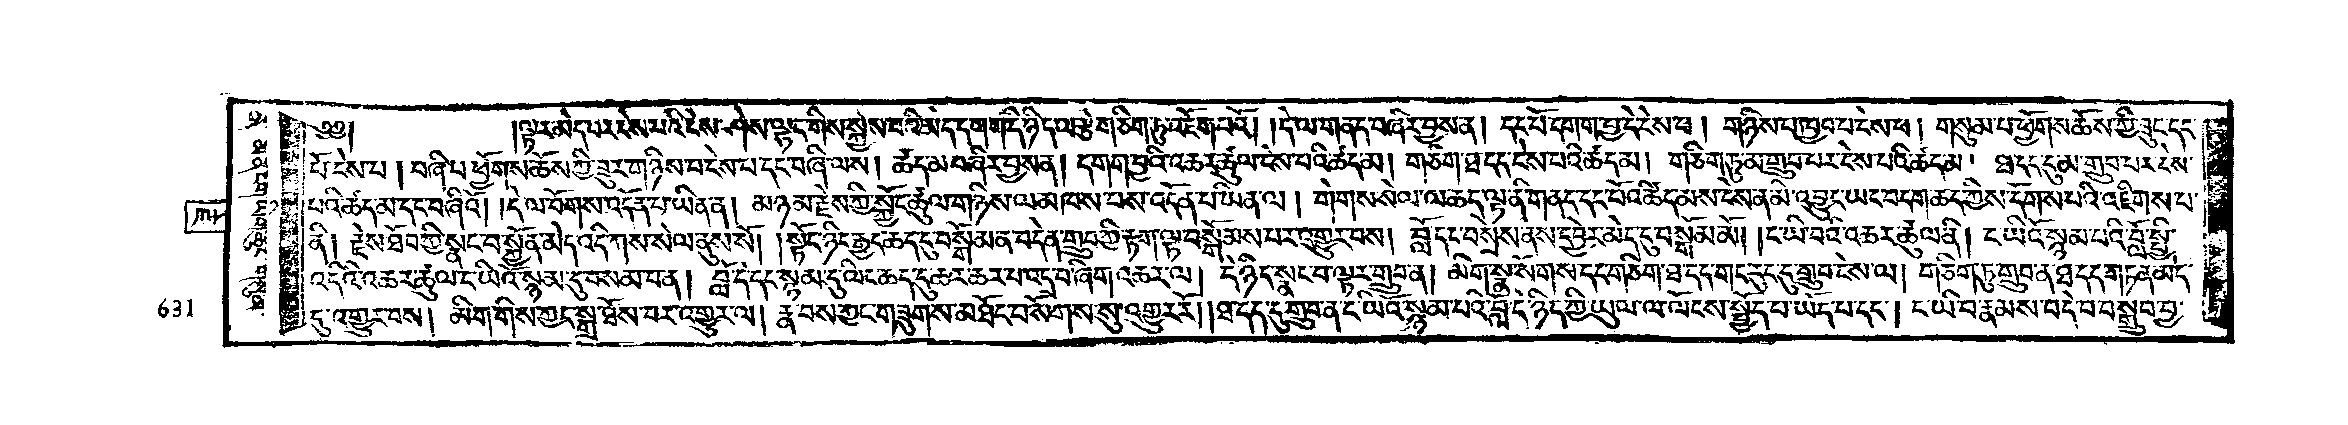༄༅། །ལྟར་མེད་པར་ངེས་པའི་ངེས་ཤེས་ལྷང་གིས་སྐྱེས་པའི་མེད་དགག་དེ་ཉིད་ལ་རྩེ་གཅིག་ཏུ་འཇོག་པའོ། །དེ་ལ་གནད་བཞིར་བྱས་ན། དང་པོ་དགག་བྱ་དེ་ངེས་པ། གཉིས་པ་ཁྱབ་པ་ངེས་པ། གསུམ་པ་ཕྱོགས་ཆོས་ཀྱི་ཟུར་དང་
པོ་ངེས་པ། བཞི་པ་ཕྱོགས་ཆོས་ཀྱི་ཟུར་གཉིས་པ་ངེས་པ་དང་བཞི་ལས། ཚད་མ་བཞིར་བྱས་ན། དགག་བྱའི་འཆར་ཚུལ་ངེས་པའི་ཚད་མ། གཅིག་ཐ་དད་ངེས་པའི་ཚད་མ། གཅིག་ཏུ་མ་གྲུབ་པར་ངེས་པའི་ཚད་མ། ཐ་དད་དུ་མ་གྲུབ་པར་ངེས་
པའི་ཚད་མ་དང་བཞིའོ། །དེ་ལ་བོགས་འདོན་པ་ཡིན་ན། མཉམ་རྗེས་ཀྱི་སྐྱོང་ཚུལ་གཉིས་ལ་མཁས་པས་འདོན་པ་ཡིན་ལ། གེགས་སེལ་ལ་ཆད་ལྟ་ནི་གནད་དང་པོའི་ཚད་མས་ངེས་ན་མི་འབྱུང་ཡང་བདག་ཆད་ཀྱིས་དོགས་པའི་འཇིགས་པ་
ནི། རྗེས་ཐོབ་ཀྱི་སྣང་བ་སྐྱོན་མེད་འདི་ཀས་སེལ་ནུས་སོ། །སྟོང་ཉིད་རྒྱད་ཆད་དུ་བསྒོམ་ན་བདེན་གྲུབ་ཀྱི་རྟག་ལྟ་བསྒོམས་པར་འགྱུར་བས། བློ་དང་བསྲེས་ནས་དབྱེར་མེད་དུ་བསྒོམ་མོ། །ང་ཡི་བའི་འཆར་ཚུལ་ནི། ང་ཡིའོ་སྙམ་པའི་བློ་སྤྱི་
འདིའི་འཆར་ཚུལ་ང་ཡིའོ་སྙམ་དུ་བསམ་པ་ན། བློ་དེ་དང་སྙམ་དུ་ལིང་ཆད་དུ་ཆར་ཆར་པ་འདྲ་བ་ཞིག་འཆར་ལ། དེ་ཉིད་སྣང་བ་ལྟར་གྲུབ་ན། མིག་སྣ་སོགས་དང་གཅིག་ཐ་དད་གང་རུང་དུ་གྲུབ་ངེས་ལ། གཅིག་ཏུ་གྲུབ་ན་ཐ་དད་གཏན་མེད་
དུ་འགྱུར་བས། མིག་གིས་ཀྱང་སྒྲ་ཐོས་པར་འགྱུར་ལ། རྣ་བས་ཀྱང་གཟུགས་མཐོང་བ་སོགས་སུ་འགྱུར་རོ། །ཐ་དད་དུ་གྲུབ་ན་ང་ཡིའོ་སྙམ་པའི་བློ་དེ་ཉིད་ཀྱི་ཡུལ་ལ་ལོངས་སྤྱོད་པ་ཡོད་པ་དང་། ང་ཡི་བ་རྣམས་བདེ་བ་བསྒྲུབ་བྱ་